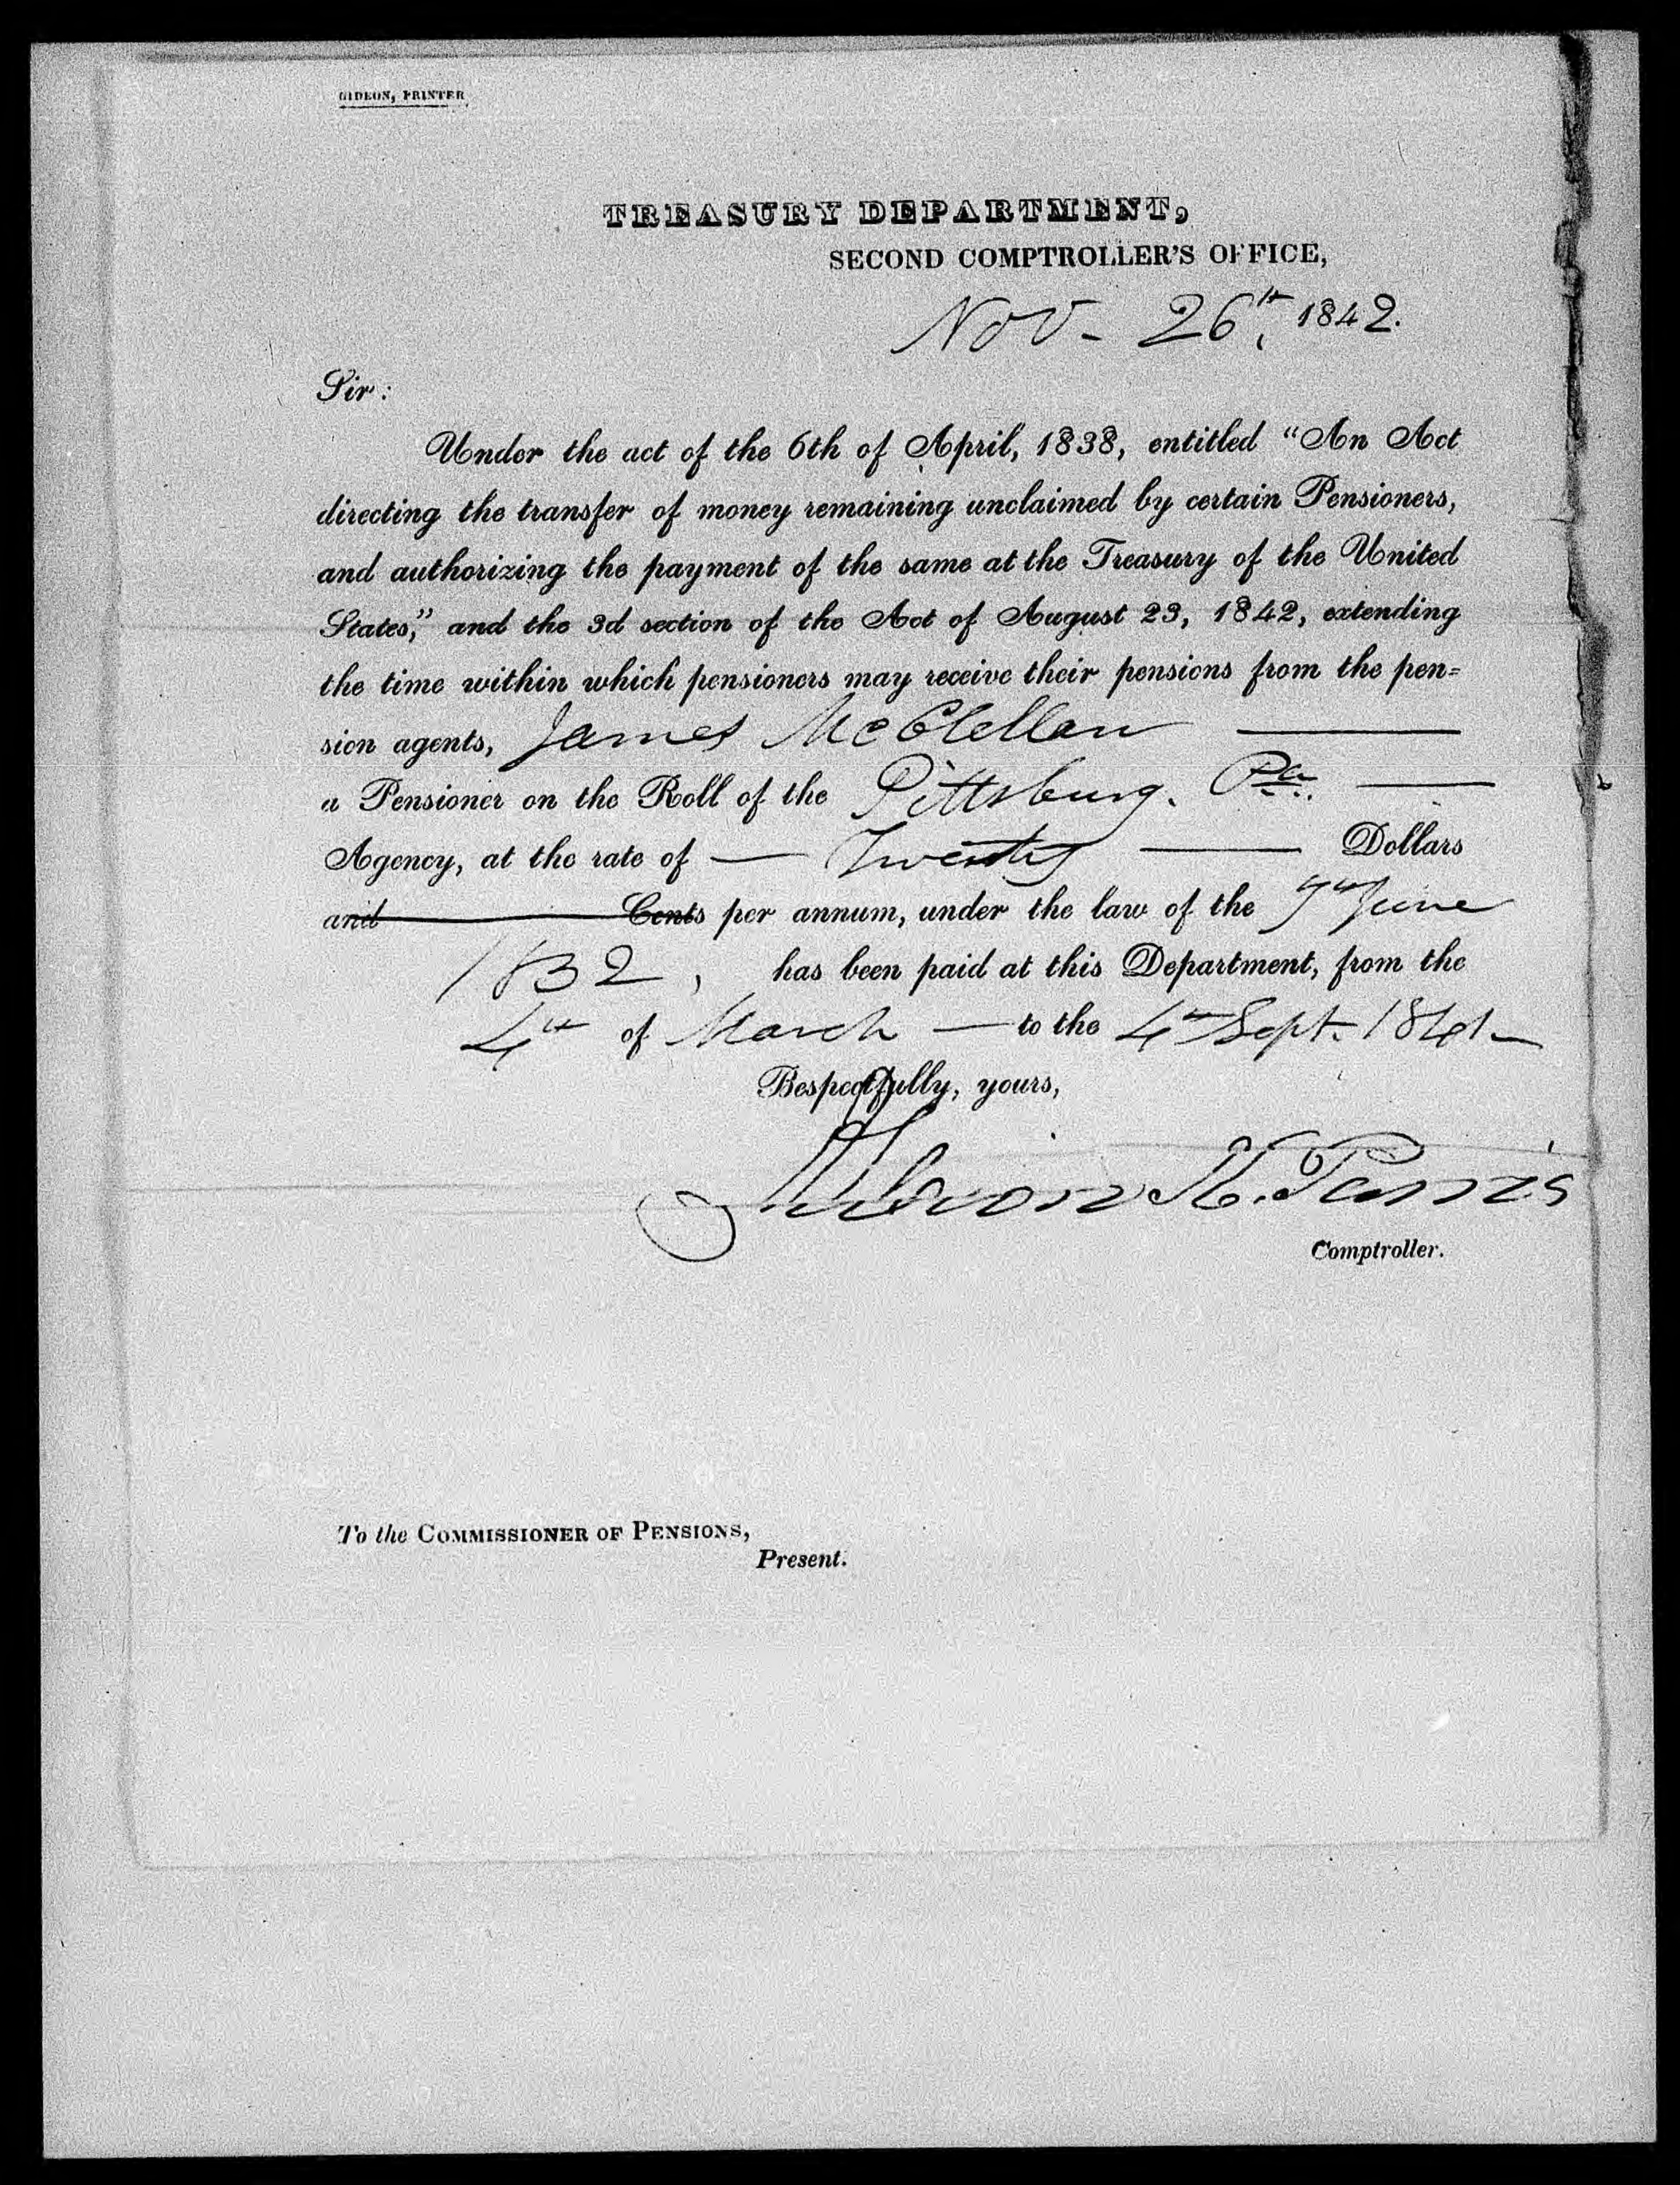TREASURY DEPARTMENT
Second Comptroller's Office
Nov 26th, 1842

Sir:

Under the act of the 6th of April, 1838, entitled "An act directing the transfer of money remaining unclaimed by certain Pensioners, and authorizing the payment of the same at the Treasury of the United States" and the 3d section of the Act of August 23, 1842, extending the time within whith pensioners may receive their pensions from the pension agents, James McClellan a Pensioner on the Roll of the Pittsburgh Pa Agency, at the rate of Twenty Dollars and no Cents per annum, under the law of the 7th June 1832, has been paid at this Department, from the 4th of March to the 4th Sept 1841.

Respectfully, yours 

Albion K. Parris 
Comptroller

To The Commissioner of Pensions, Present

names: Albion K Parris; James Mc Clellan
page: 12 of 16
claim: survivor's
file: S. 2764, for James Mc Clellan, Pennsylvania